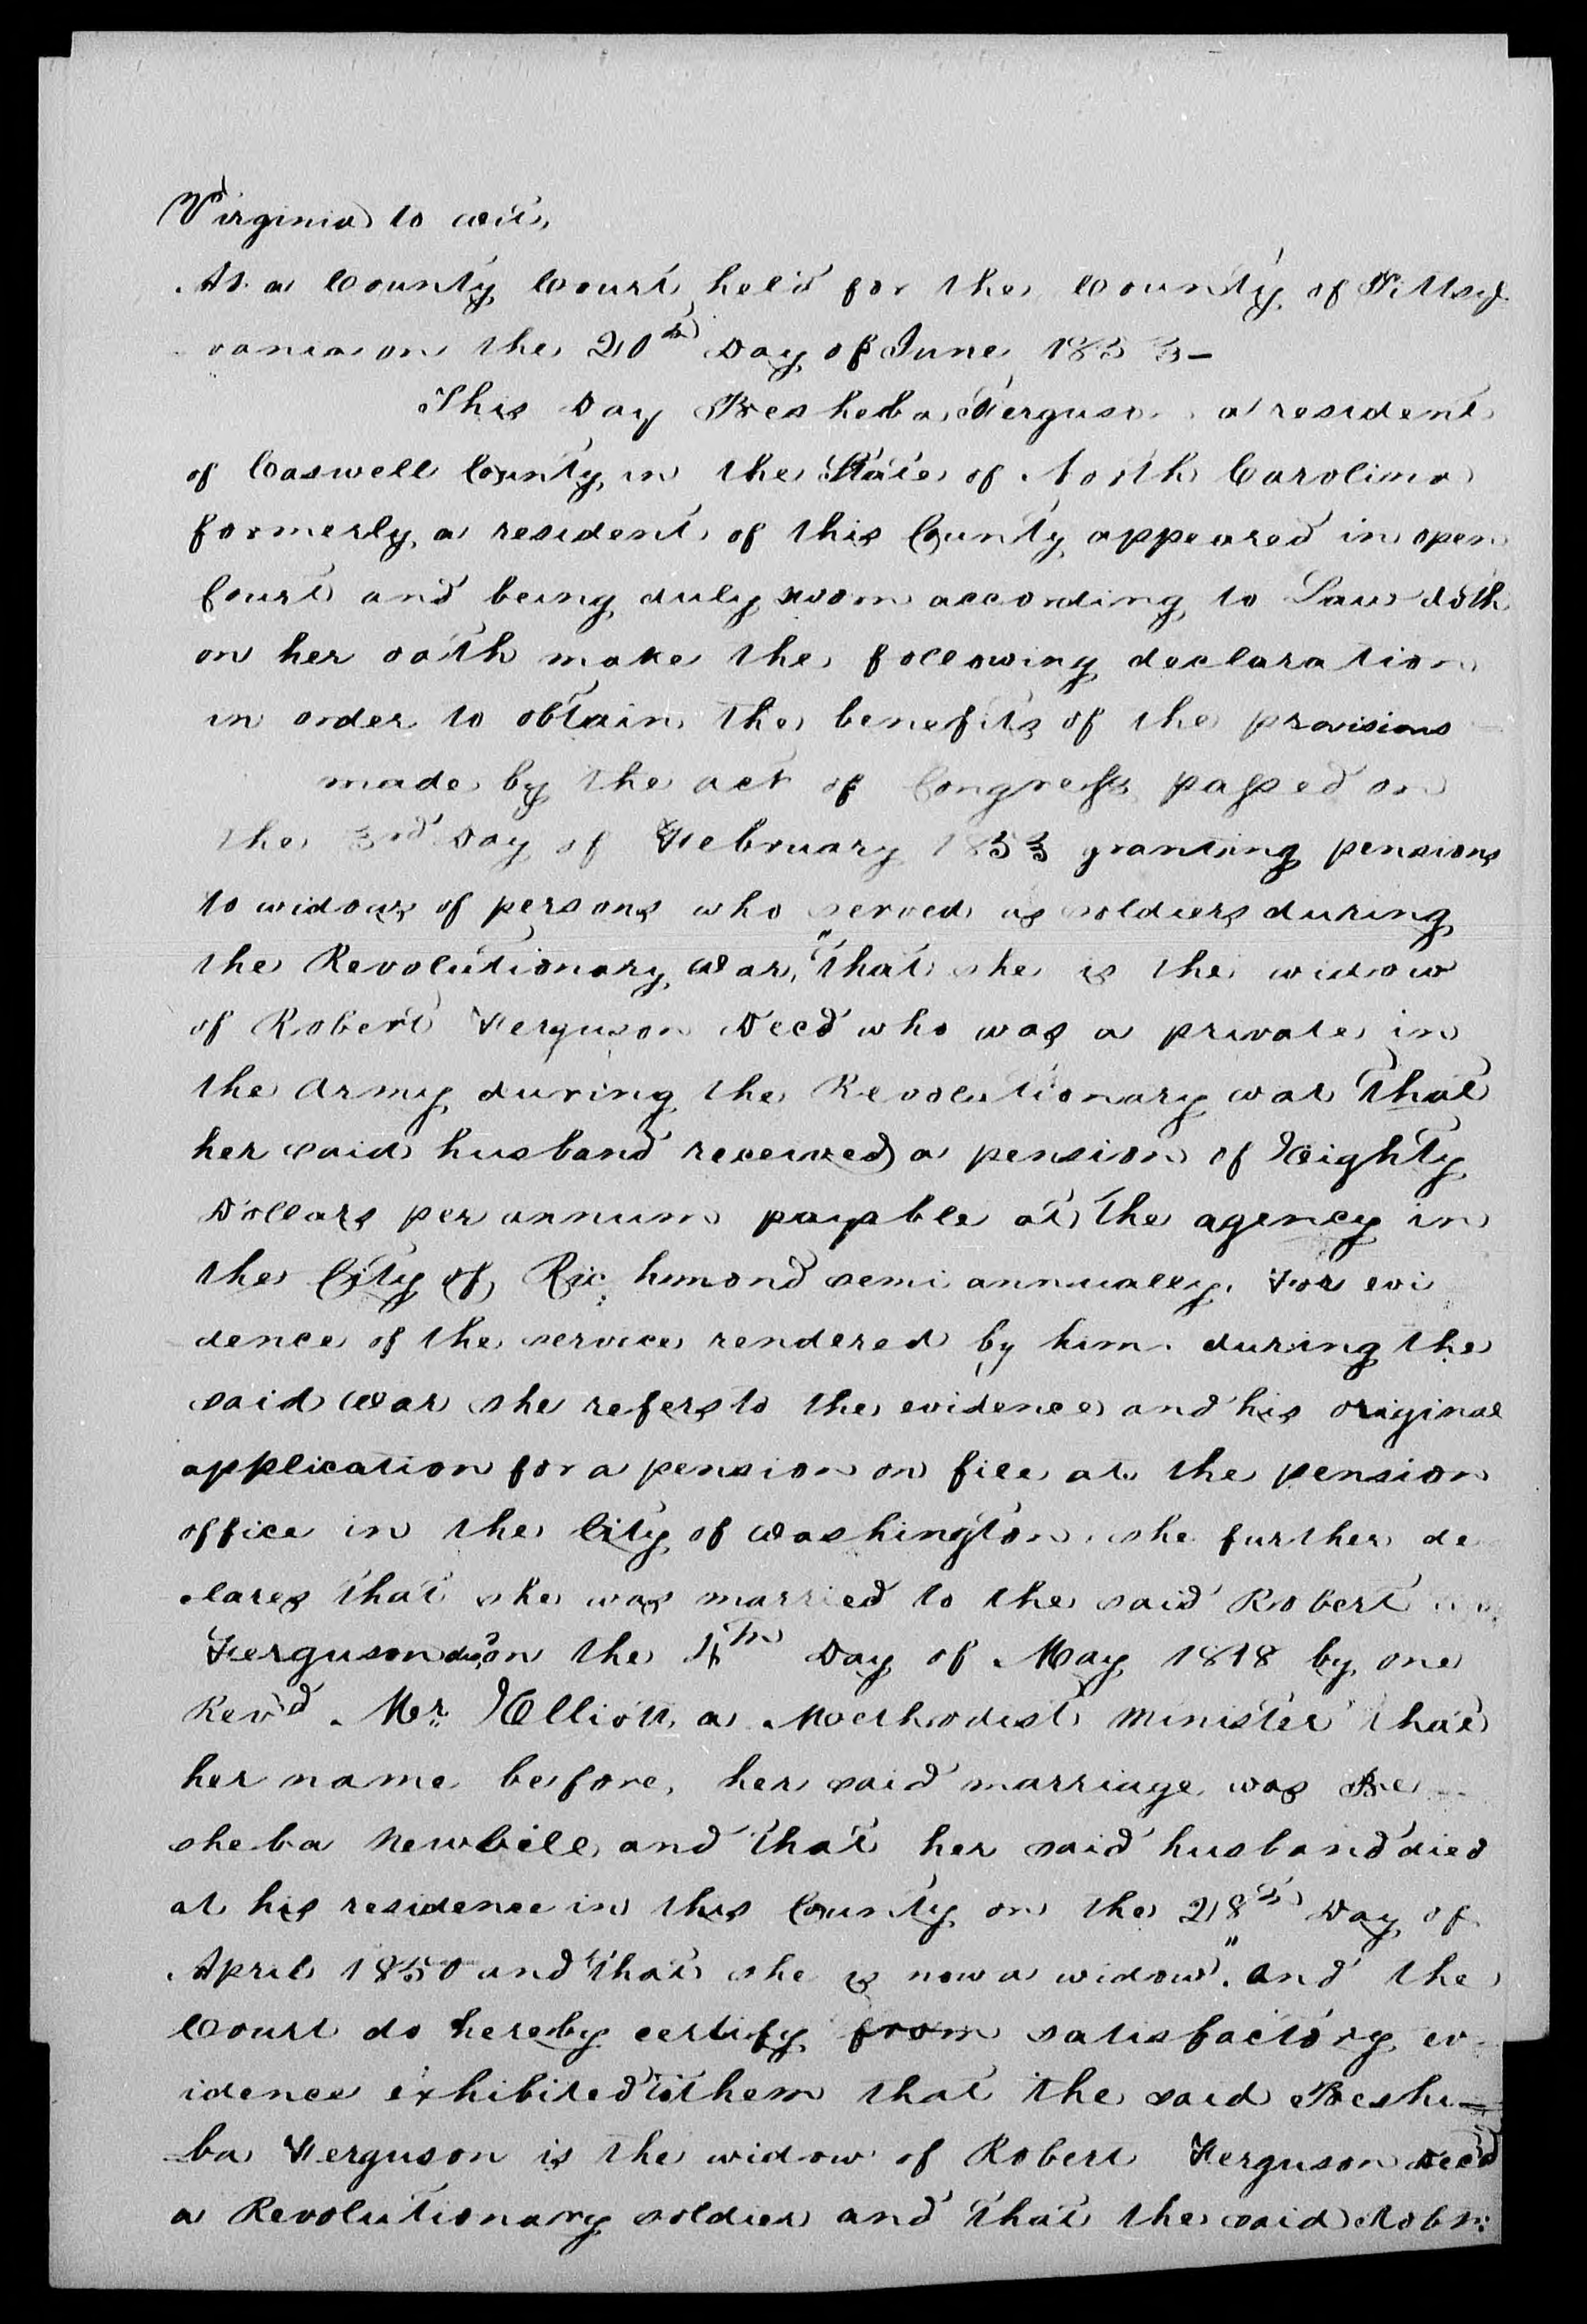Virginia [illegible],
As a County Court held for the County of Pittsylvania on the 20th Day of June 1833.
This Day Besheba Ferguson, a resident of Caswell County in the State of North Carolina, formerly a resident of this County, appeared in open court and being duly sworn according to Law doth on her oath make the following declaration in order to obtain the benefits of the provisions made by the act of Congress passed on the 3rd Day of February 1833 granting pensions to widows of persons who served as soldiers during the Revolutionary War. "That she is the widow of Robert Ferguson, dec'd who was a private in the Army during the Revolutionary War. That her said husband received a pension of Eighty Dollars per annum payable at the agency in the City of Richmond semi annually. For evidence of the services rendered by him during the said war she refers to the evidence and his original application for a pension on file at the pension office in the City of Washington. She further declares that she was married to the said Robert Ferguson on the 4th Day of May, 1818 by one Rev'd Mr. Elliott, as a Methodist minister. That her name before her said marriage was Besheba Newbill, and that her said husband died at his residence in this County on the 28th Day of April 1850 and that she is now a widow." And the court do hereby certify from satisfactory evidence exhibited within [?] that the said Besheba Ferguson is the widow of Robert Ferguson dec'd a Revolutionary soldier and that the said Robt.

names: Elliott, Besheba Ferguson, Robert Ferguson, Robert Ferguson, Robt, Besheba Ferguson, Robert Ferguson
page: 6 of 81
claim: widow's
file: W. 7262, Robert Ferguson, Va.